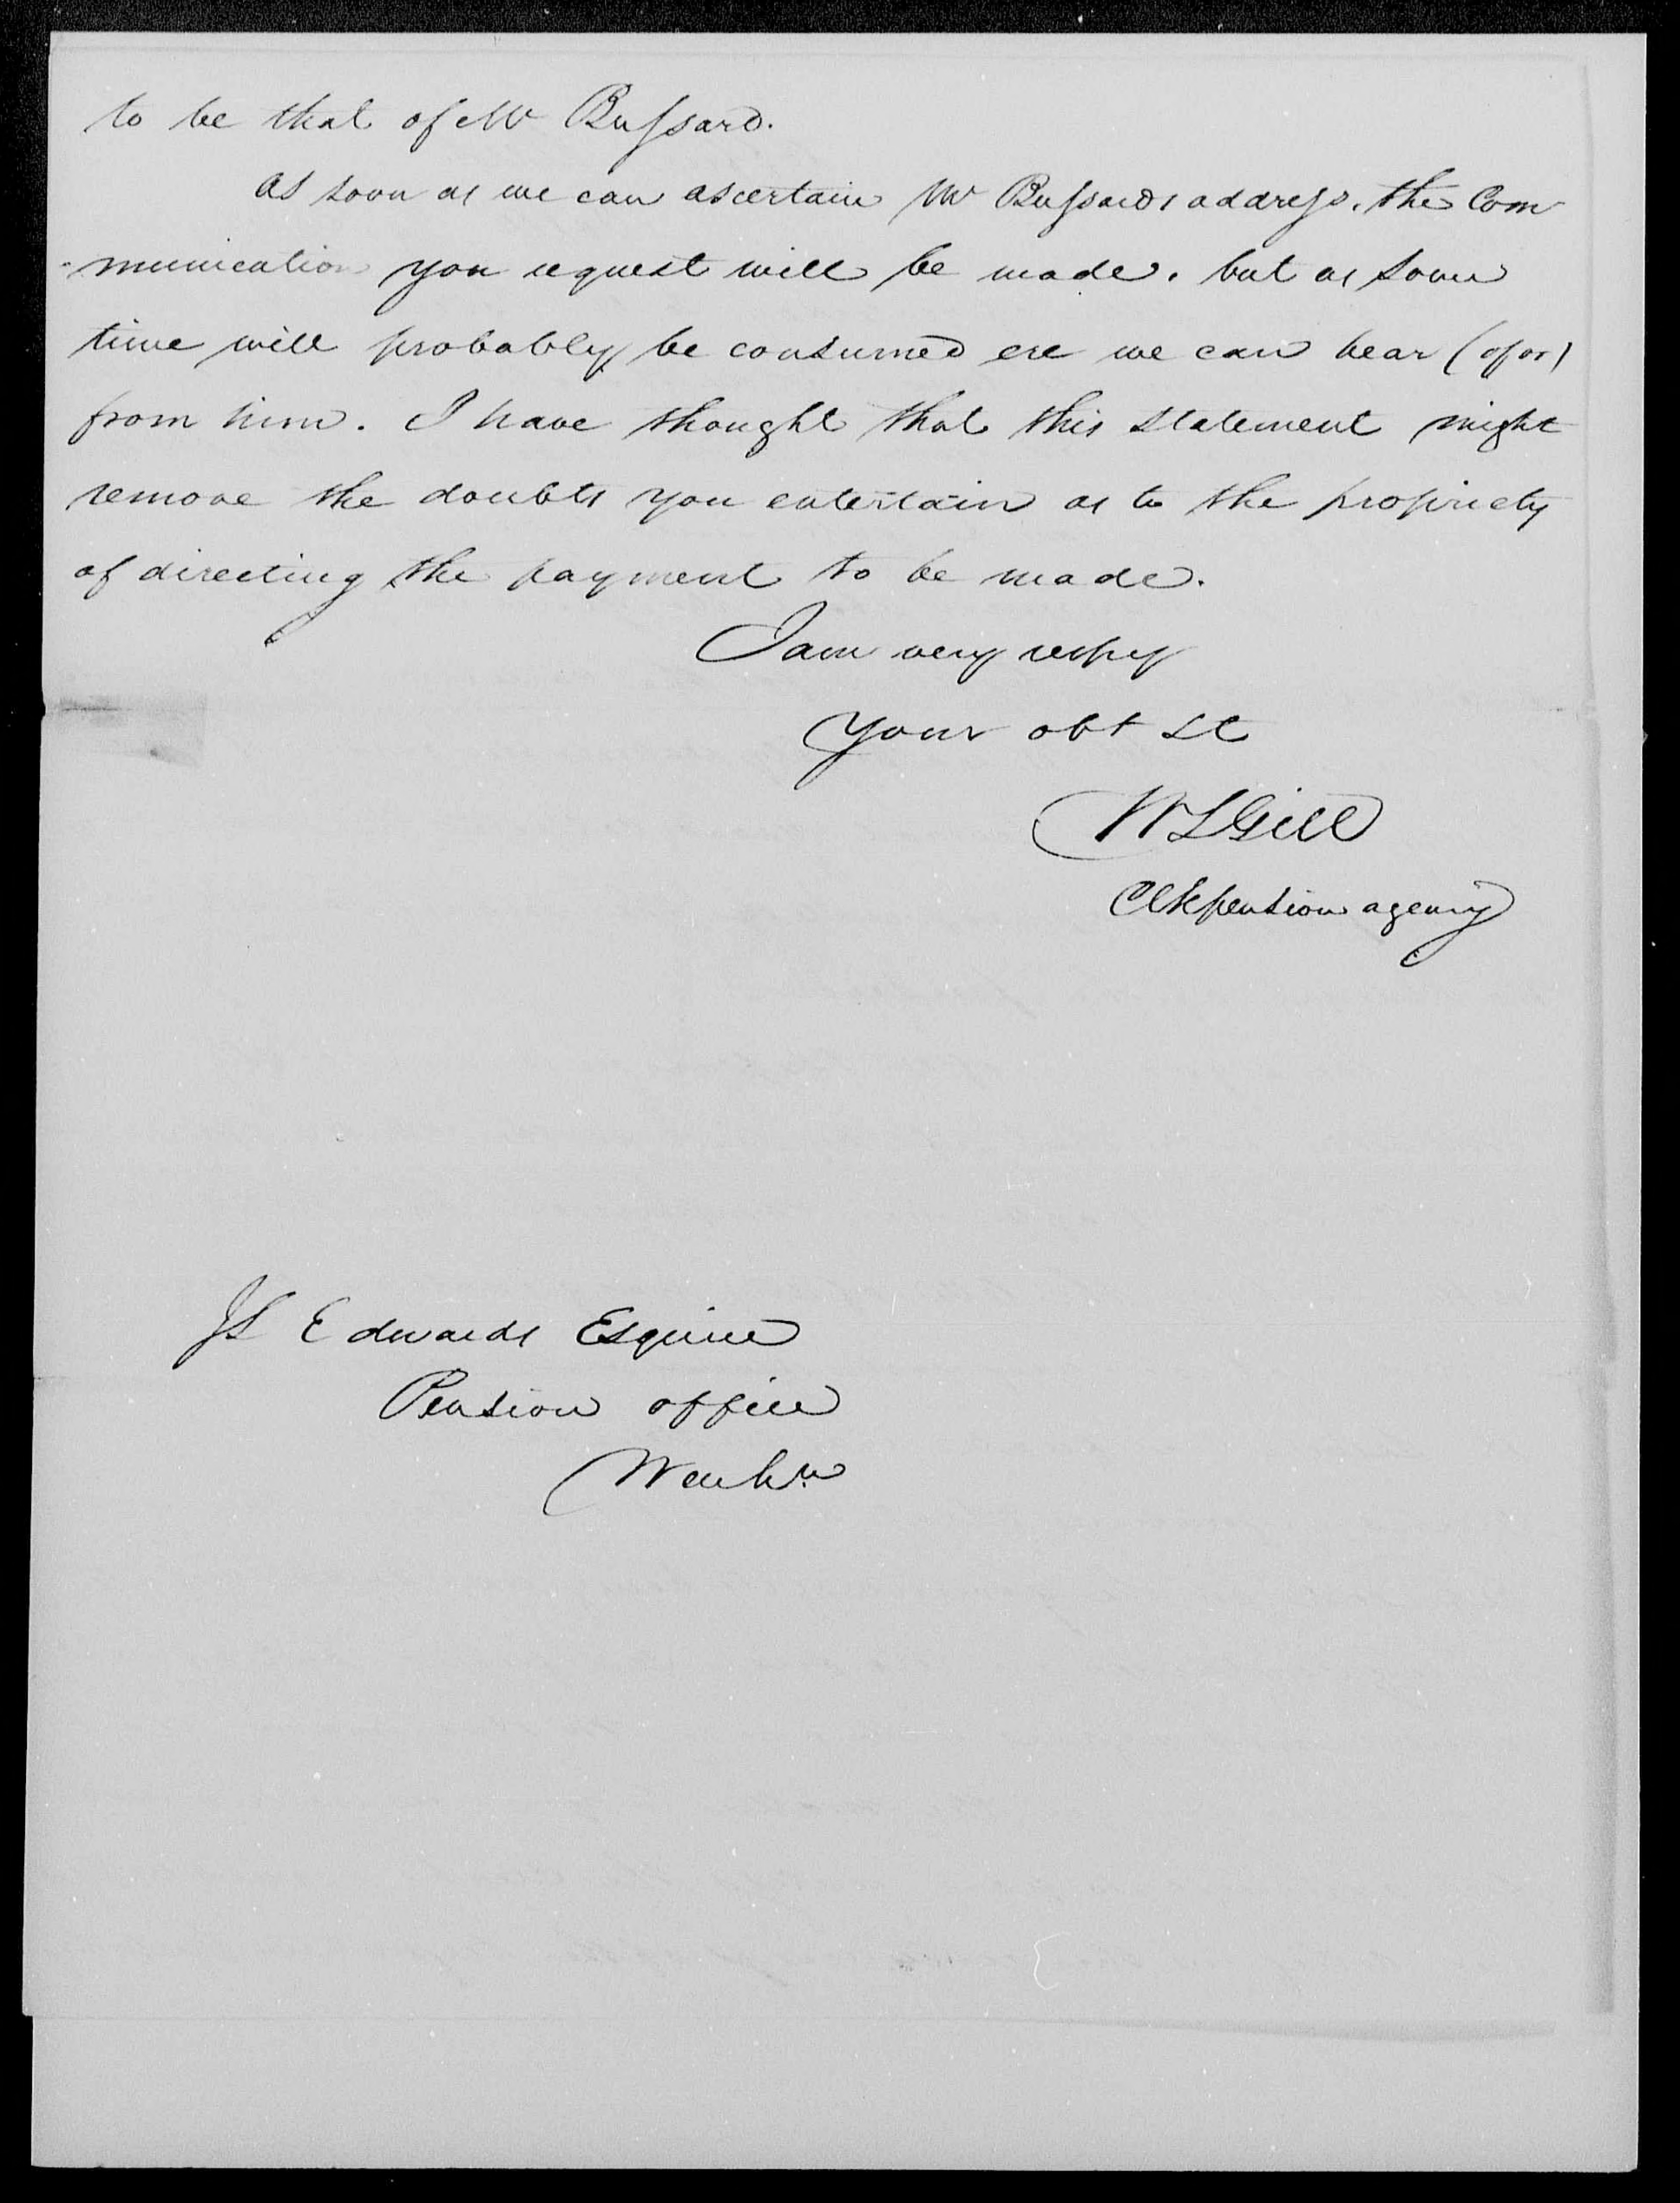to be that of Mr. Bussard.

As soon as we can ascertain Mr. Bussard's address this communication you request will be made but as some time will probably be consumed [illegible], we can hear (or) from him. I have thought that this statement might remove the doubts you entertain as to the propriety of directing the payment to be made.

I am respect
Your obt serv

W.L. Gill
Clerk Pension Agency

JL Edwards Esquire
Pension Office
Washington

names: W L Gill, J L Edwards, Bussard, Bussard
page: 15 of 30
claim: survivor's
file: S. 10093, James Blewer, Md.